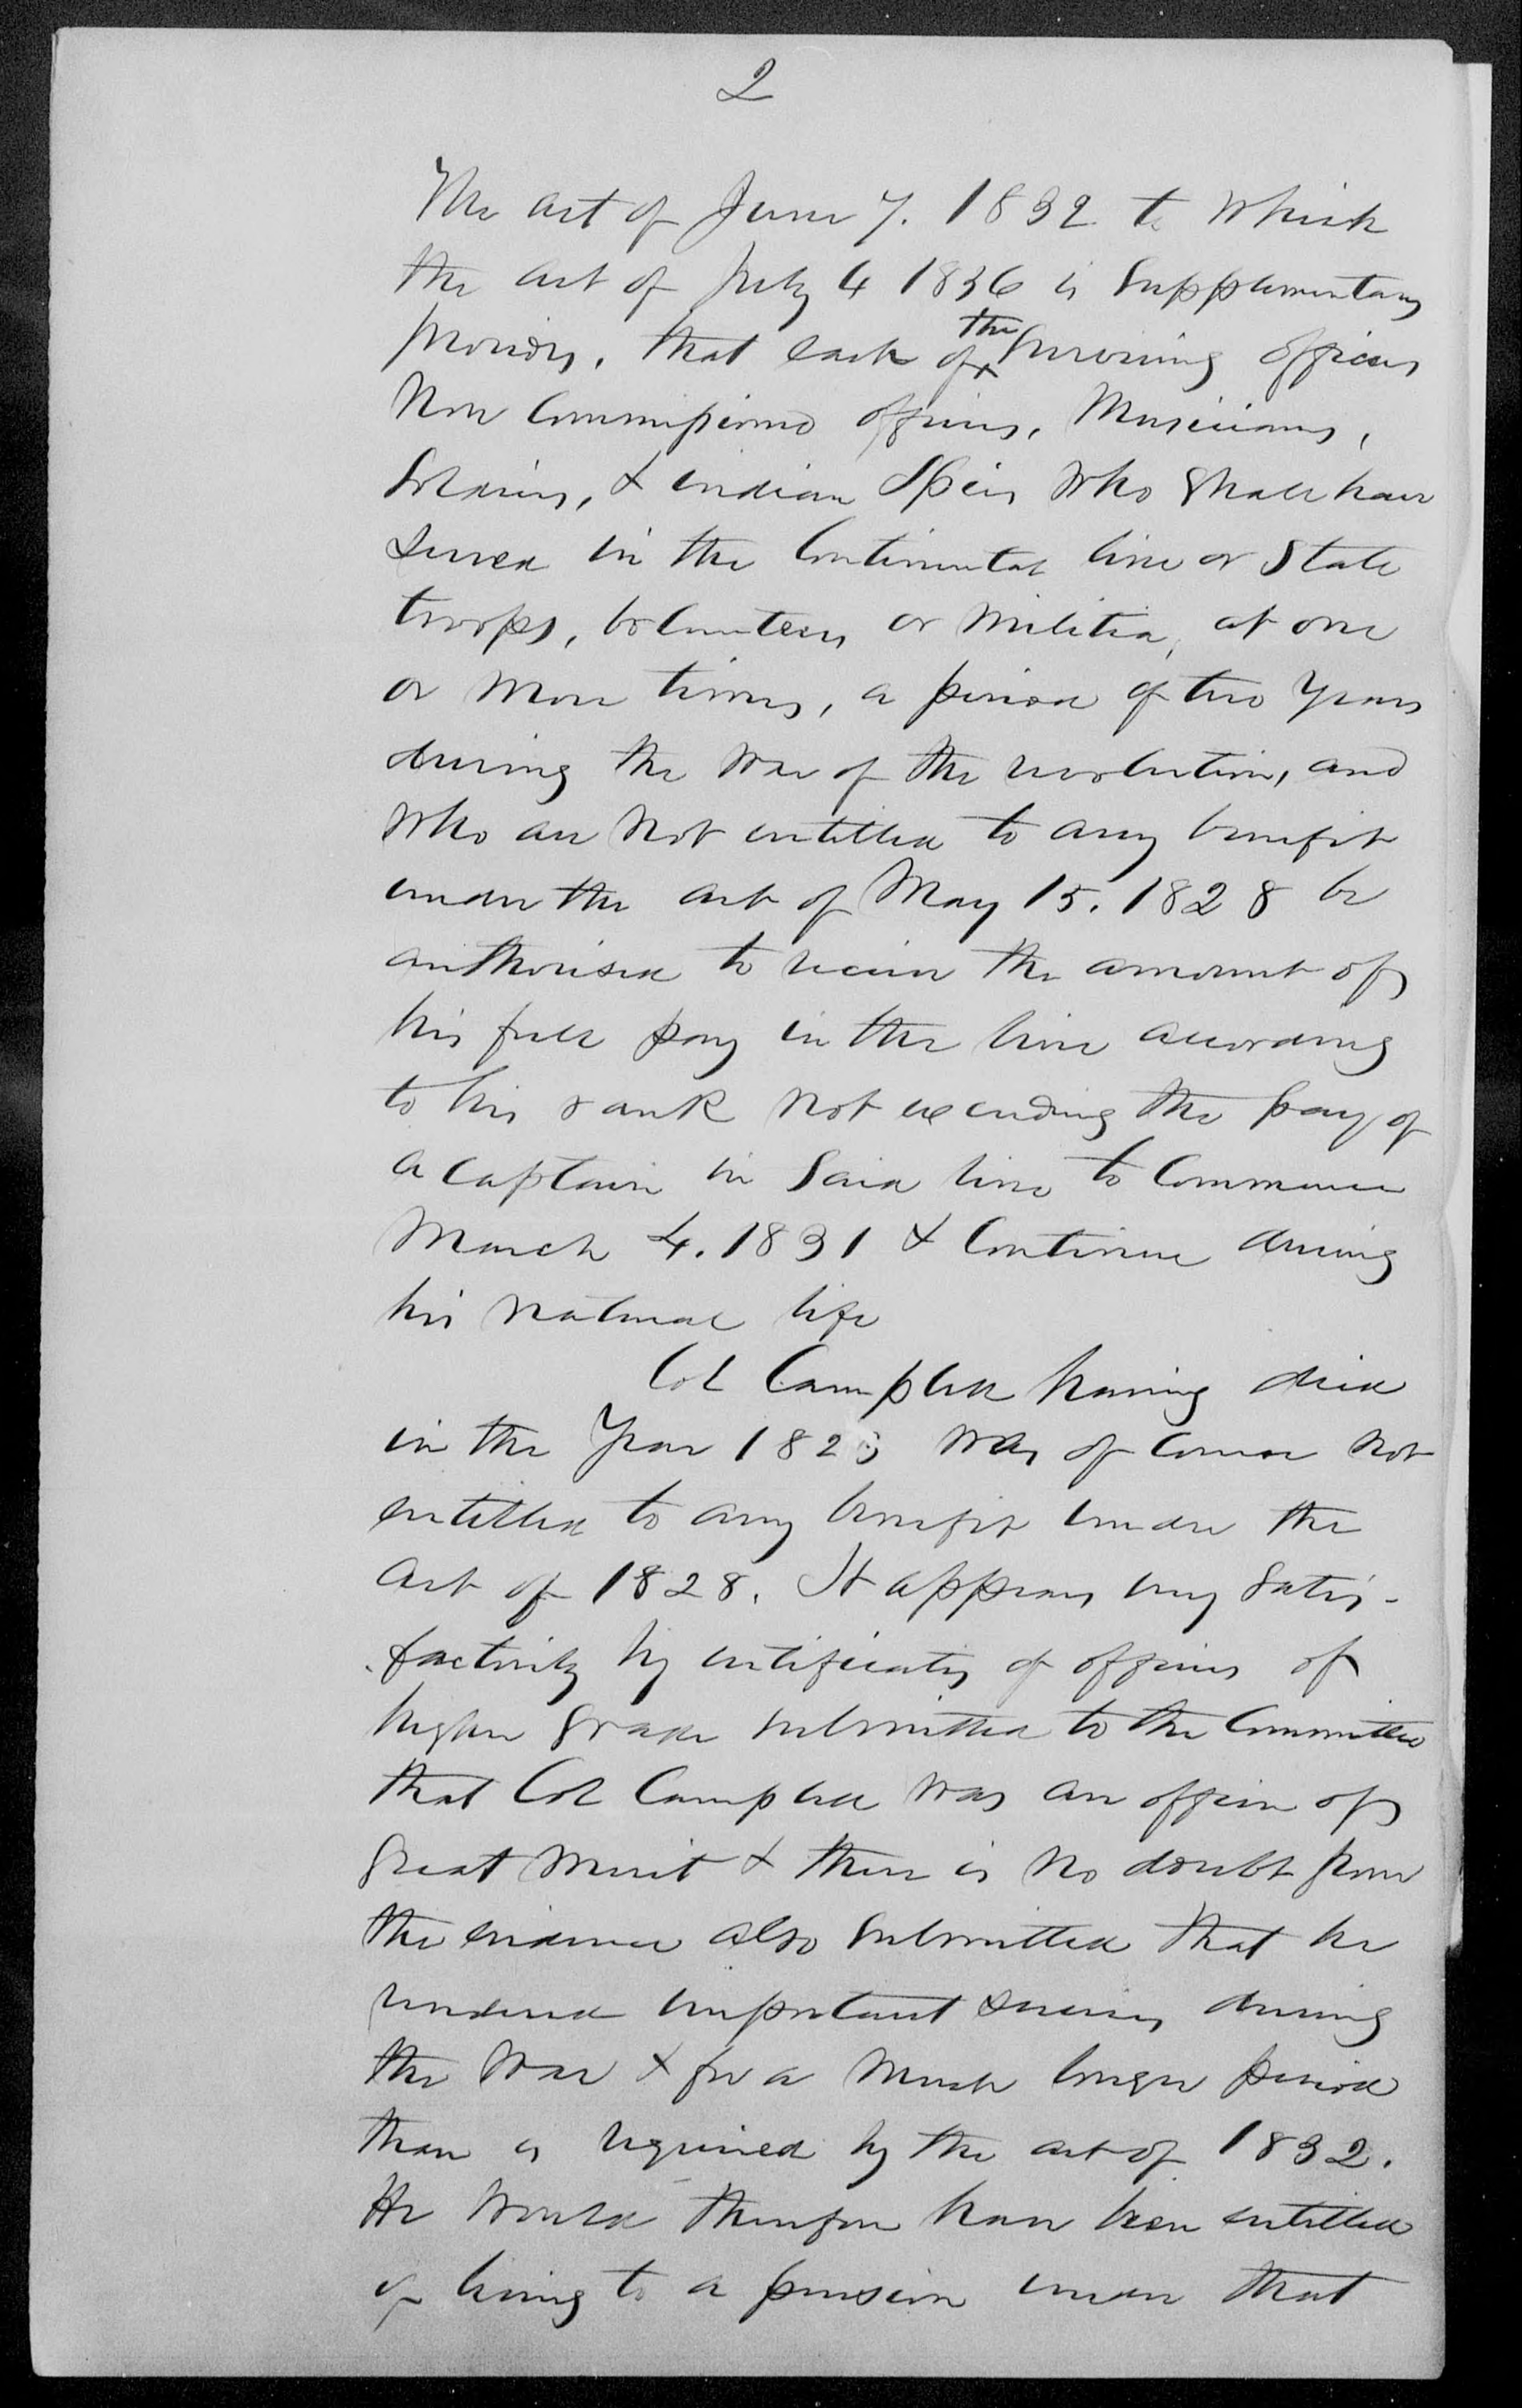2

The Act of June 7. 1832 to which the Act of July 4  1836 is supplementary provides that each of the surviving officers Non Commissioned officers, Musicians, Soldiers, +[and] Indian Spies who shall have served in the Continental line or State troops, volunteer or militia, at one or more times, a period of two years during the War of the revolution, and Who are Not entitled to any benefit under the Act of May 15.  1828 be authorised to receive the amount of his full pay in the line according to his rank not exceeding the pay of a Captain in Said line to Commence March 4.  1831  +[and] Continue during his natural life
Col Campbell having died in the Year 1823 was of course not entitled to any benefit under the Act of 1828,  It appears very Satisfactorily by certificates of officers of higher grades submitted to the Committee that Col Campbell was an officer of Great Merit +[and] there is no doubt from the evidence also submitted that he rendered important services during the War +[and] for a much longer period than is required by the Act of 1832.  He should therefore have been entitled of having to a pension under that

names: Campbell, Campbell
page: 250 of 267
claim: widow's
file: W. 4,149, William Campbell, Va.